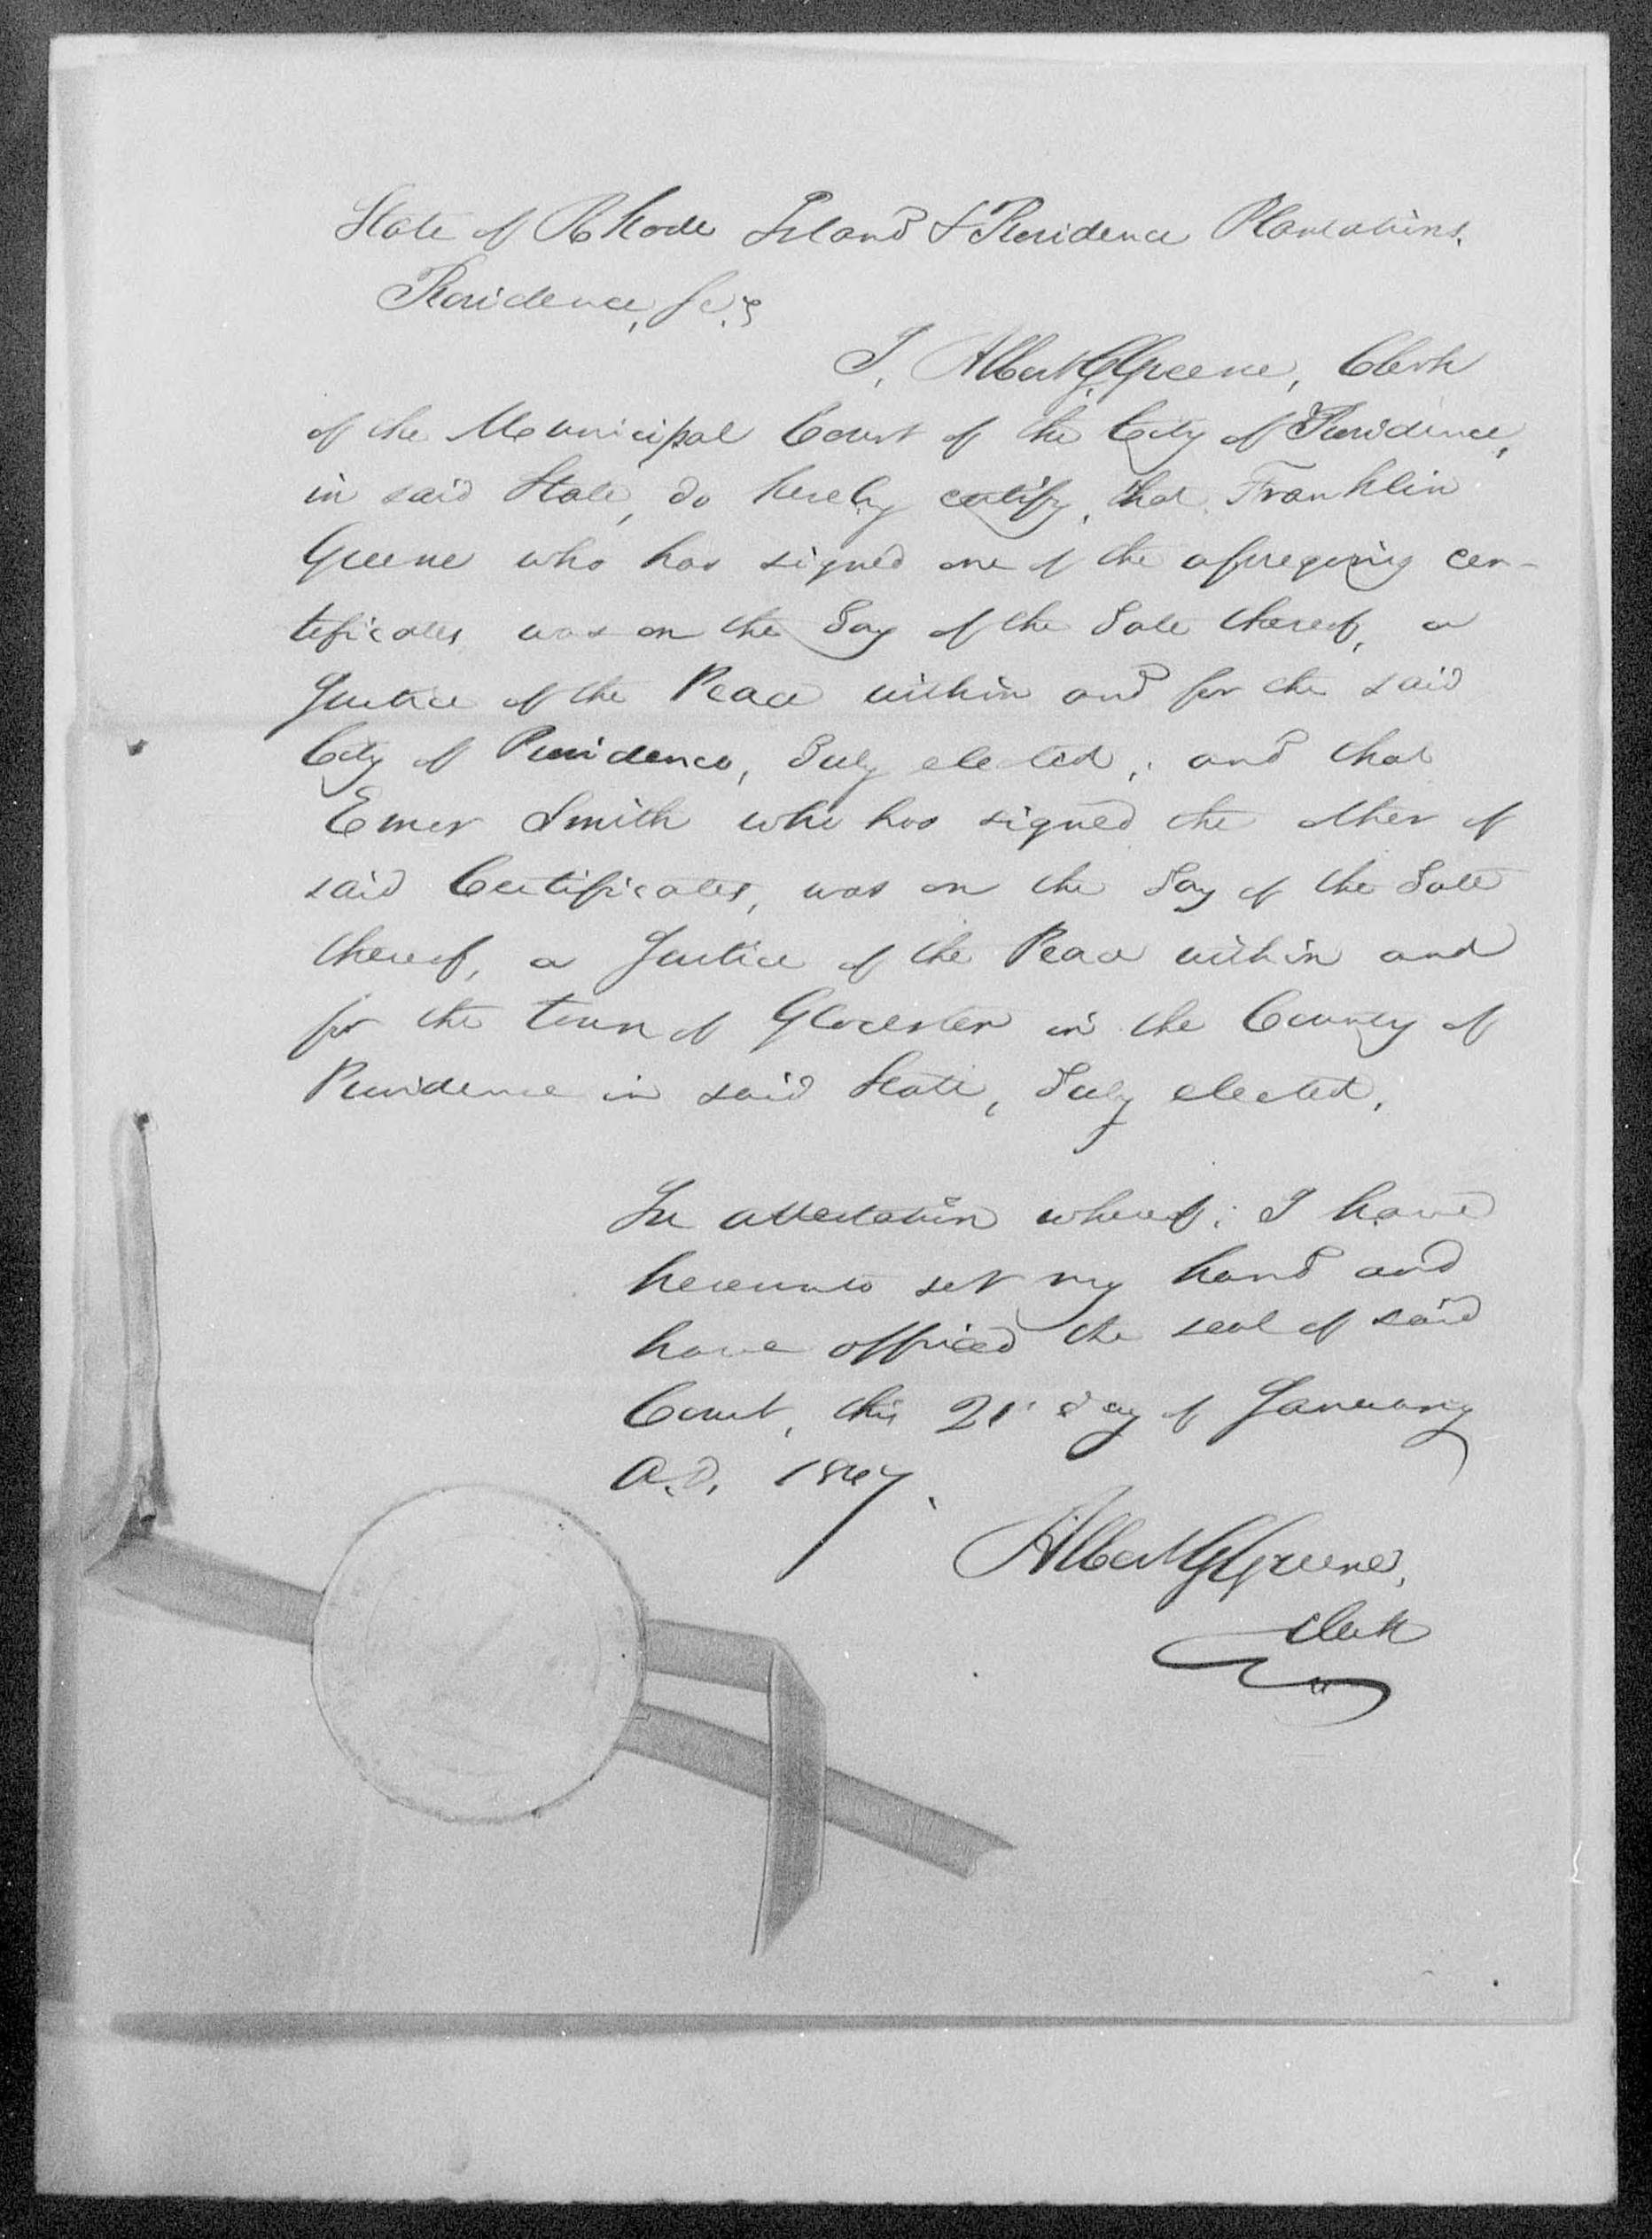State of Rhode Island & Providence Plantations.
Providence, Sc

I, Albert G. Greene, Clerk of the Municipal Court of the City of Providence, in said State, do hereby certify, that Franklin Greene who has signed one of the aforegoing certificates was on the day of the date thereof, a Justice of the Peace within and for the said City of Providence, duly elected, and that Emer Smith who has signed the other of said Certificates, was on the day of the date thereof, a Justice of the Peace within and for the town of Glocester in the County of Providence in said State, duly elected.

In attestation whereof, I have hereunto set my hand and have affixed the seal of said Court, the 21 day of January A.D. 1864.

Albert G. Greene, Clerk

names: Franklin Greene, Albert G Greene, Albert G Greene, Emer Smith, Scott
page: 35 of 51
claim: widow's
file: W. 19,026, Israel Harrington, R.I.